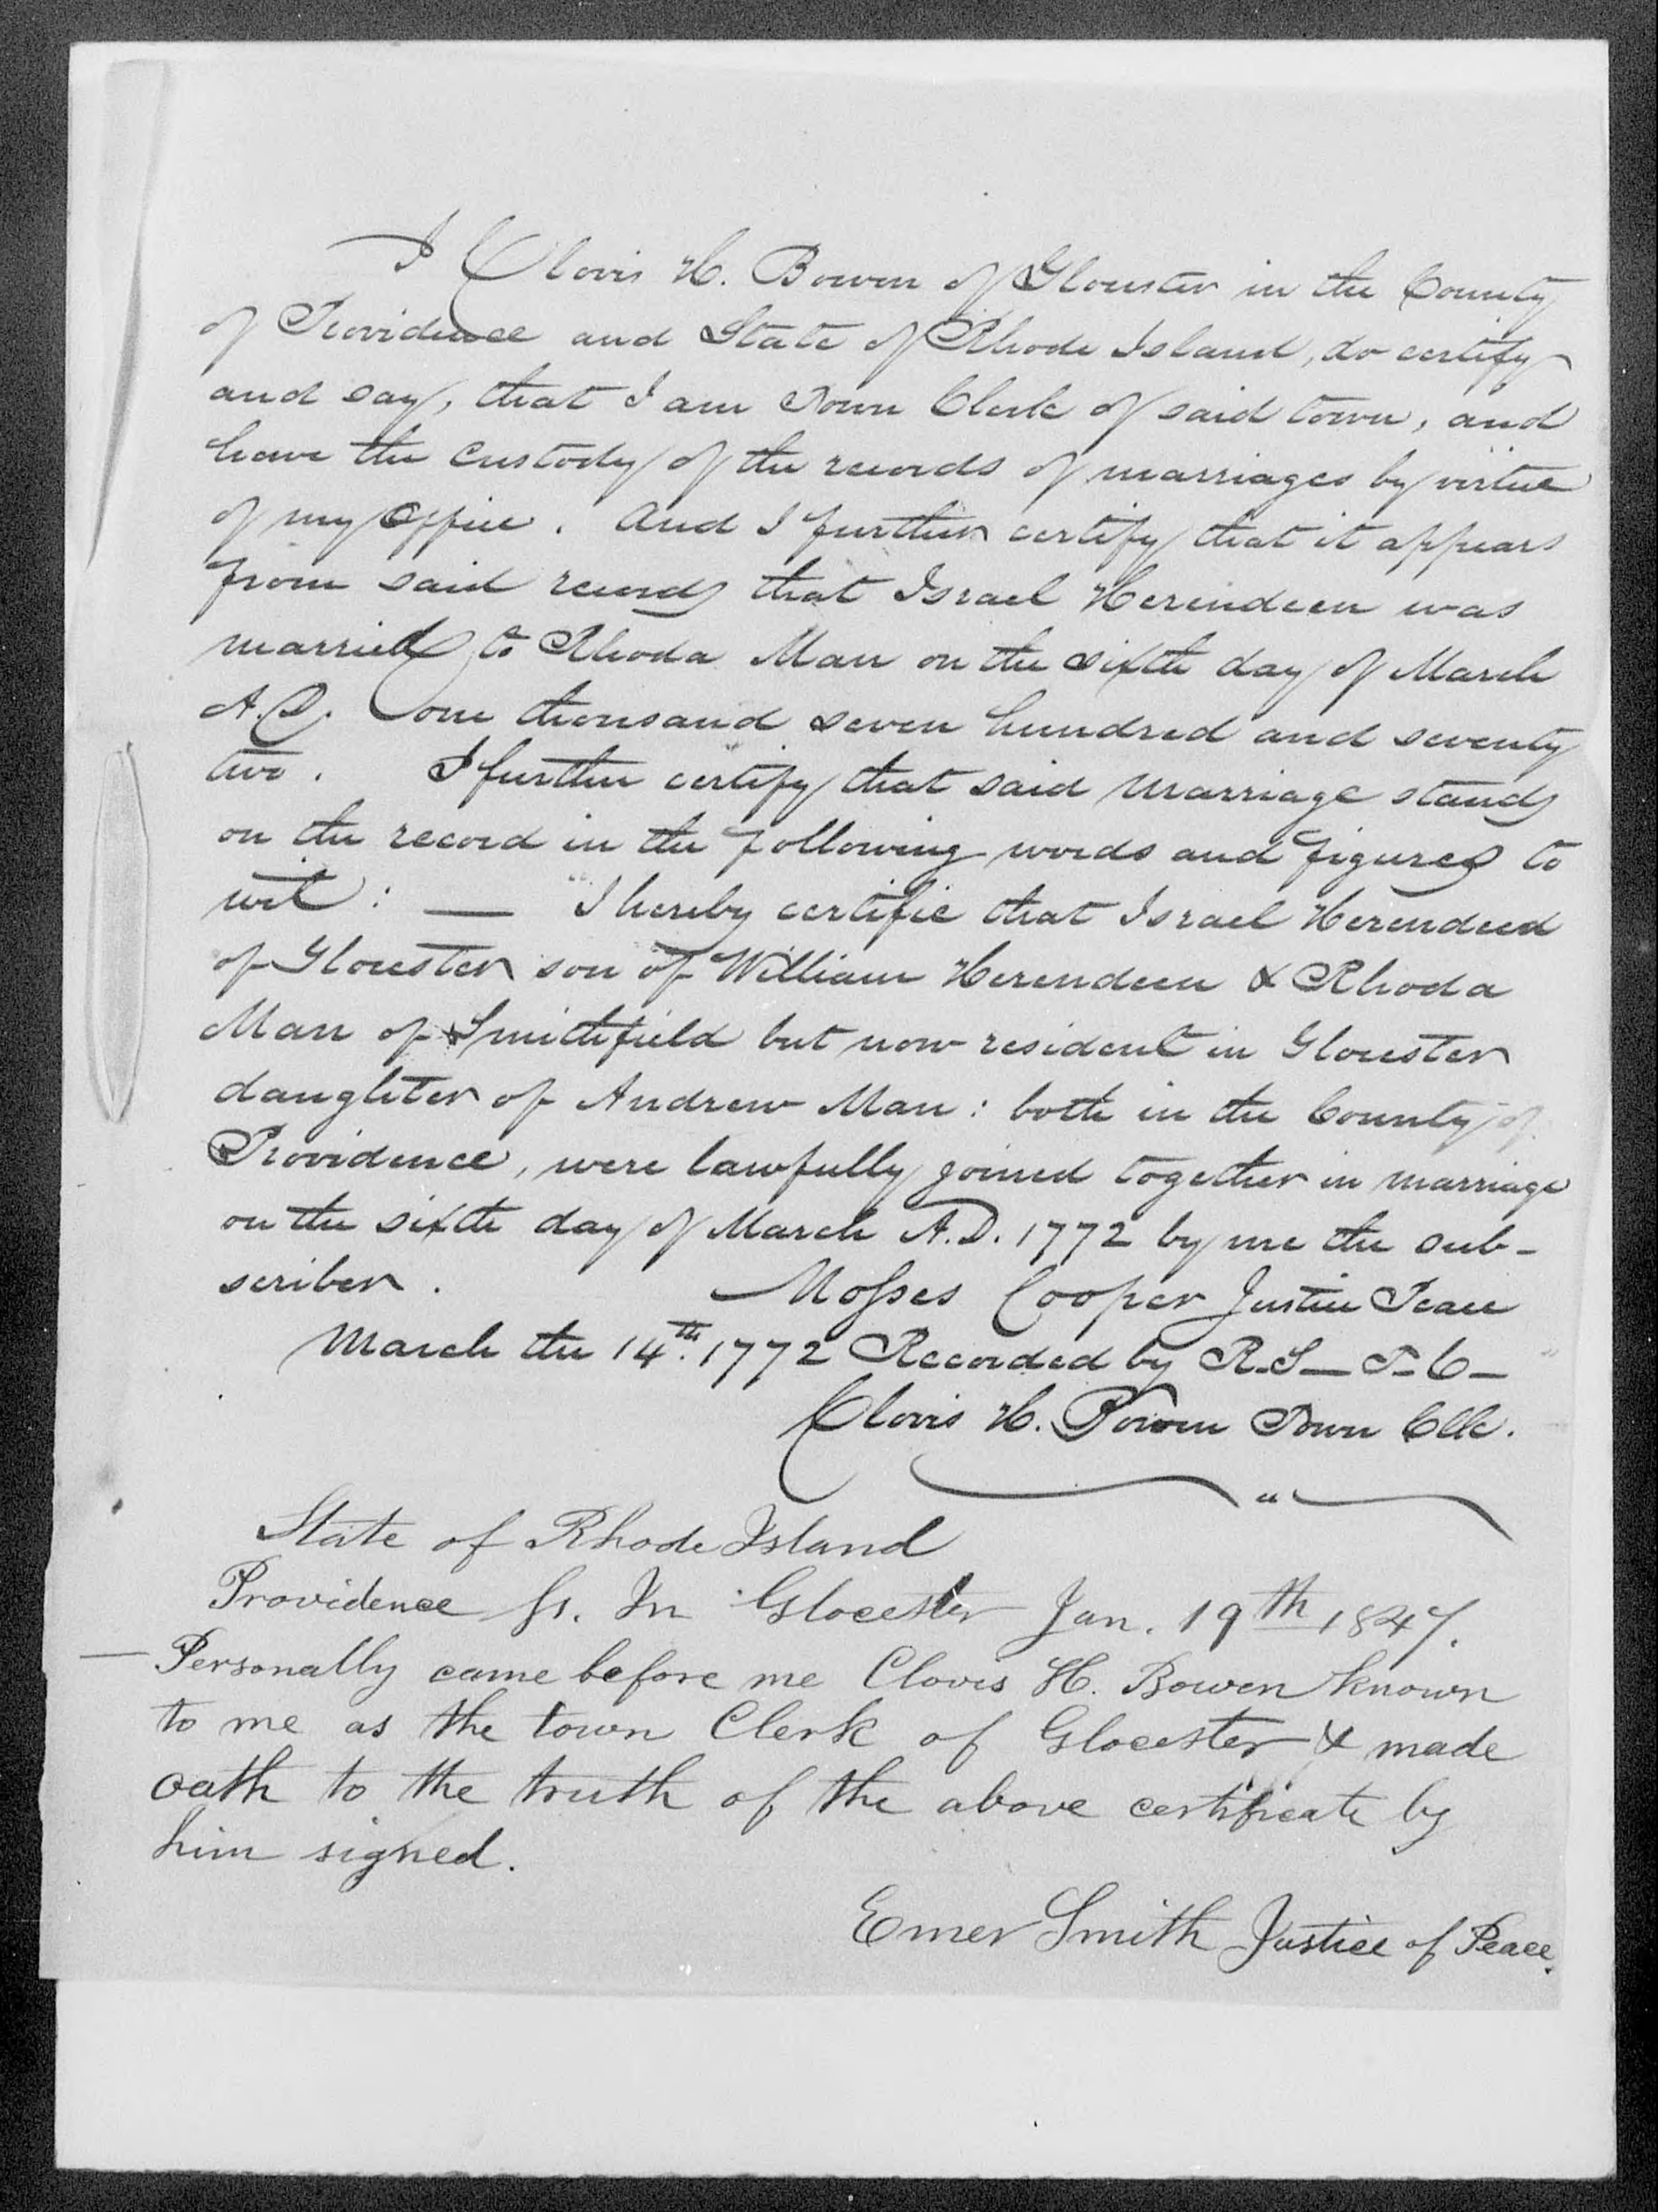I Clovis H. Bowen of Glocester in the County of Providence and State of Rhode Island, do certify and say, that I am Town Clerk of said town, and have the custody of the records of marriages by virtue of my office, and I further certify that it appears from said records that Israel Herindeen [Harrington] was married to Rhoda Man on the sixth day of March A.D. one thousand seven hundred and seventy two. I further certify that said marriage stands on the record in the following works and figures to wit: - "I hereby certifie [certify] that Israel Herendeed [Harrington] of Glocester son of William Herendeen [Harrington] & Rhoda Man of Smithfield but now resident in Glocester daughter of Andrew Man: both in the County of Providence, were lawfully joined together in marriage on the sixth day of March A.D. 1772 by me the subscriber.

Mosses Cooper Justice Peace
March the 14th, 1772 Recorded by R.I. [illegible]
Clovis H. Bowen Town Clk.

State of Rhode Island
Providence Ss. In Glocester Jan. 19th 1847.
Personally came before me Clovis H. Bowen known to me as the town Clerk of Glocester & made oath to the truth of the above certificate by him signed.

Emer Smith Justice of Peace.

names: Rhoda Man, Clovis H Bowen, Andrew Man, Clovis H Bowen, William Herendeen, Israel Herendeen, Rhoda Man, Israel Herindeen, Mosses Cooper, Emer Smith, Clovis H Bowen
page: 36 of 51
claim: widow's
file: W. 19,026, Israel Harrington, R.I.